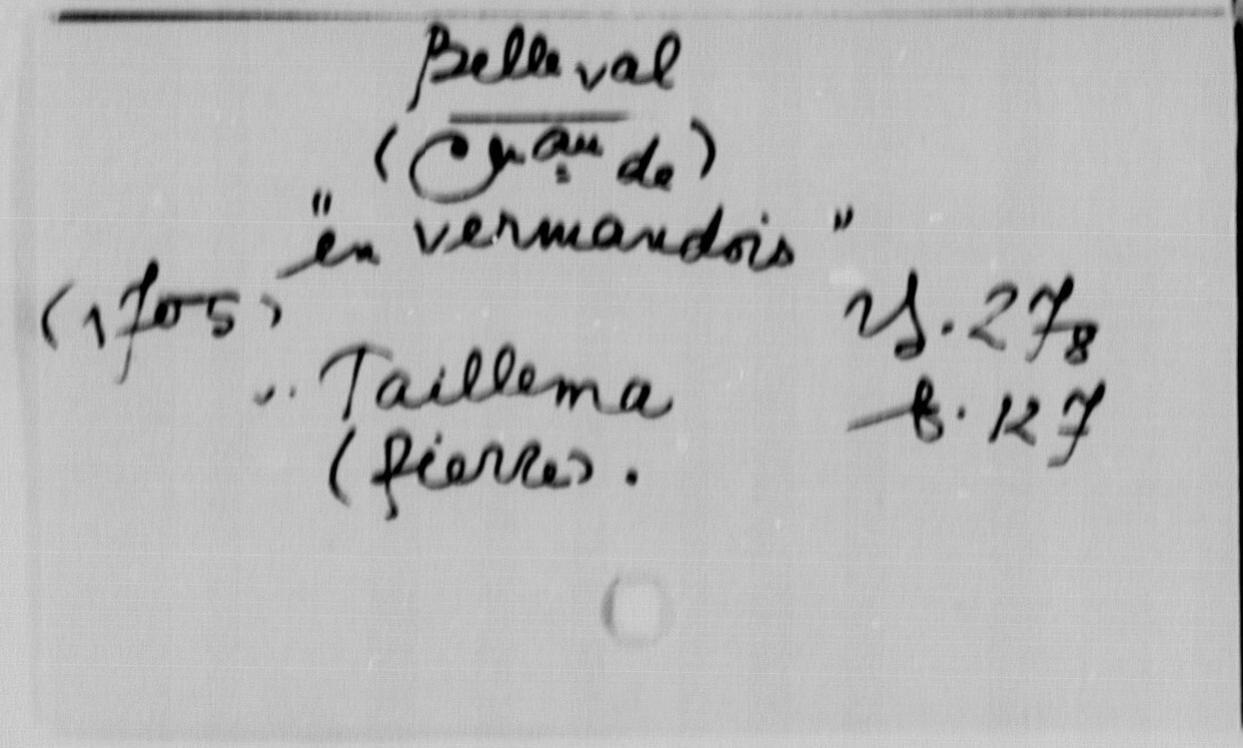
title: BELLEVAL (Château de) "en Vermandois"
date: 1705
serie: Y
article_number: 278
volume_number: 127
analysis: Voir TAILLEMA (Pierre)
